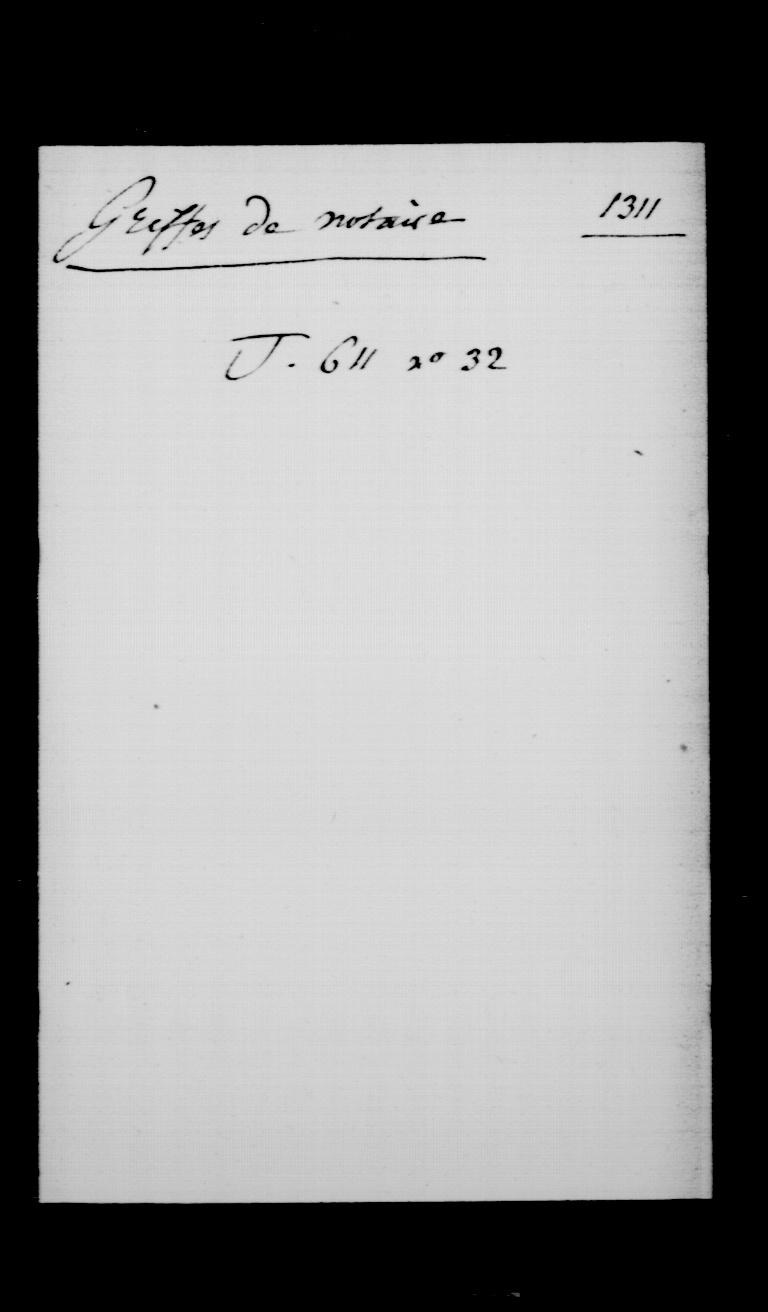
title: Greffes de notaire
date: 1311
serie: J
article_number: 611
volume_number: n° 32
